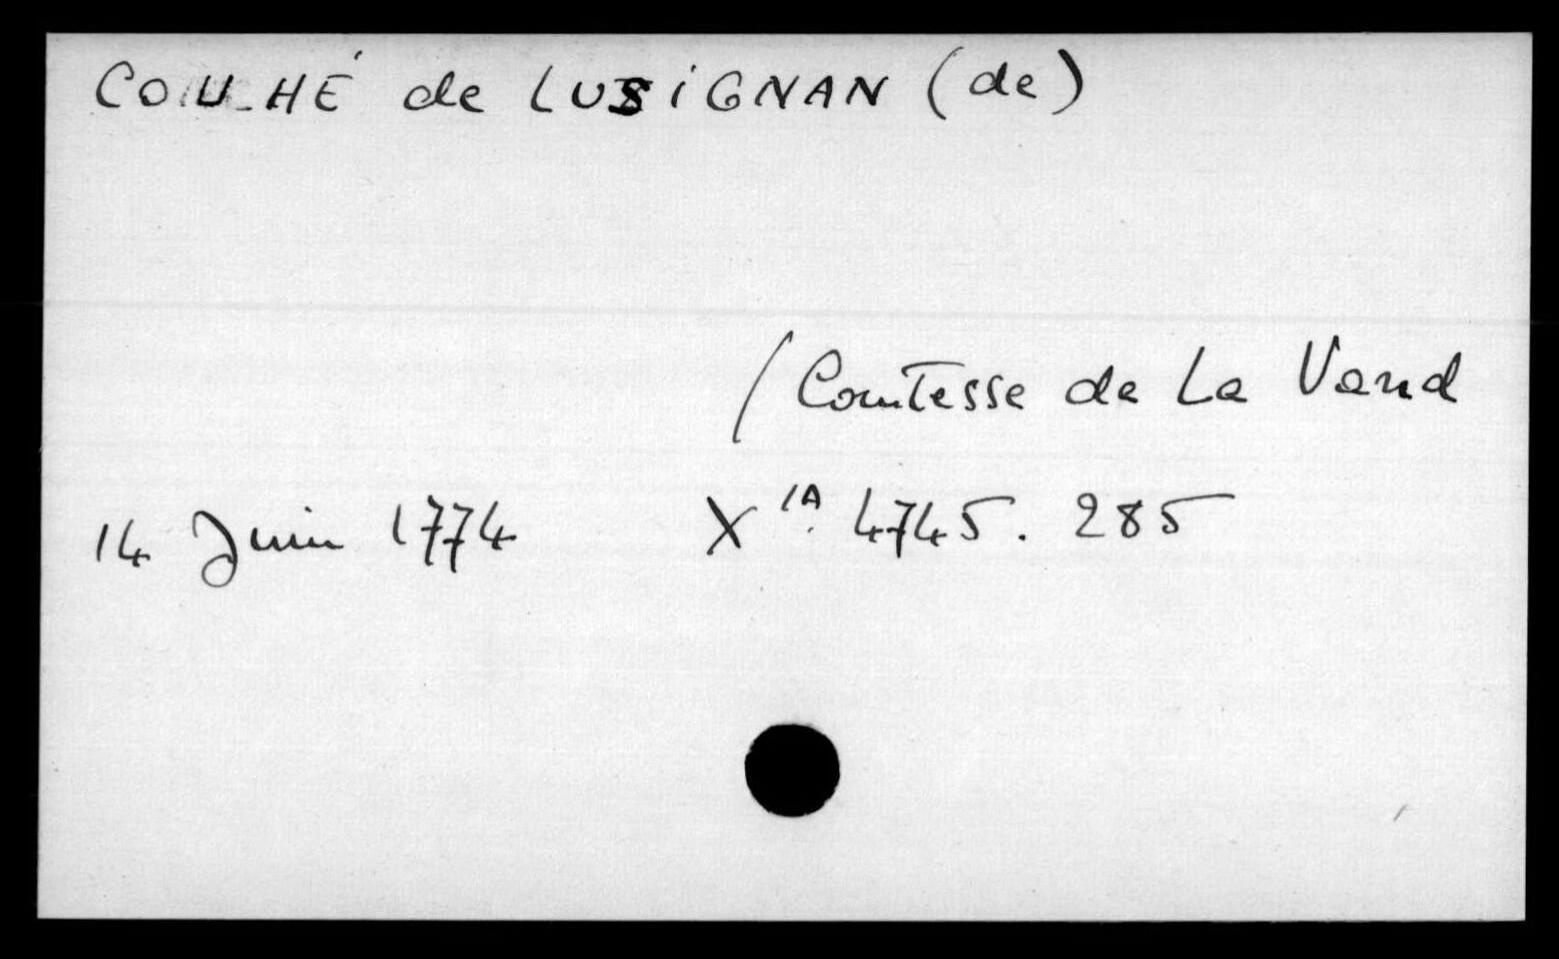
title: COUHÉ de LUSIGNAN (de)
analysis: Contre Comtesse de la Vand
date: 14 juin 1774
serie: X1A
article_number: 4745
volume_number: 285
